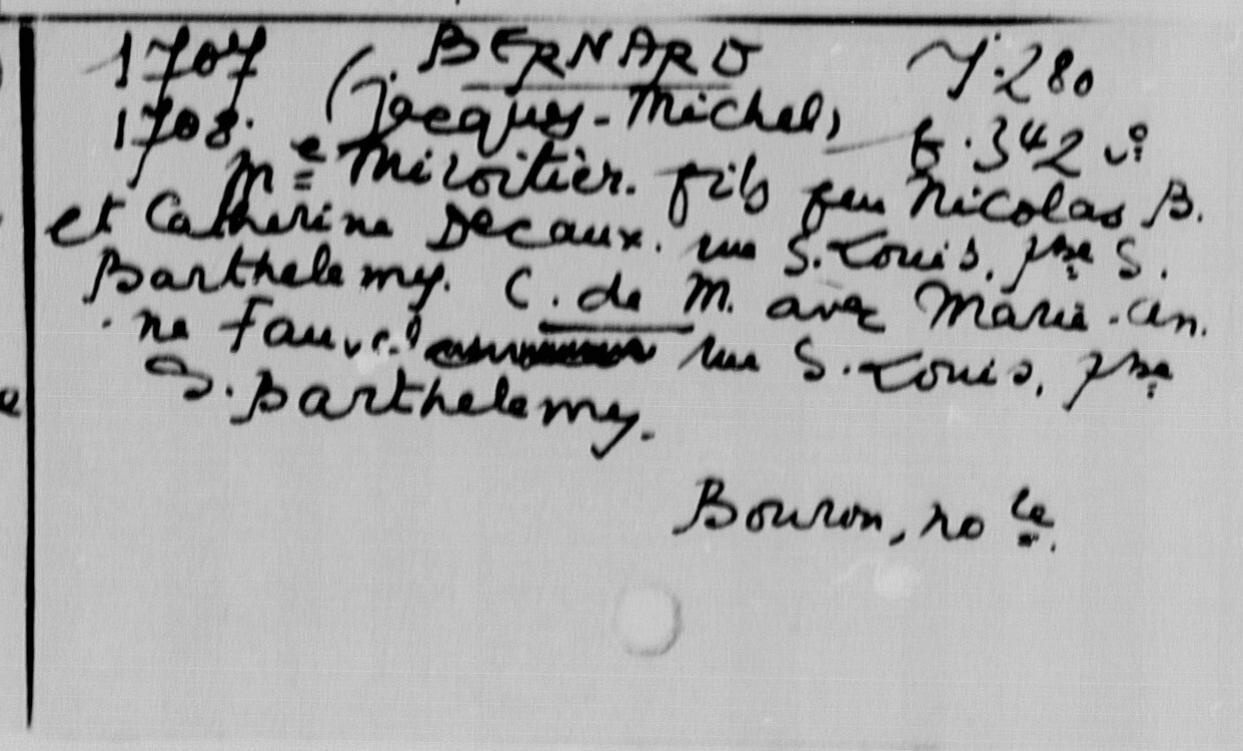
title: BERNARD (Jacques-Michel)
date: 1707-1708
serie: Y
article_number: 280
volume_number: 342v
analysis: Maître miroitier, fils feu Nicolas B. et catherine Decaux, rue Saint-Louis, paroisse Saint-Barthélemy. Contrat de mariage avec Marie-Anne Fauve. rue Saint-Louis, paroisse Saint-Barthélemy. Bouron, notaire.
